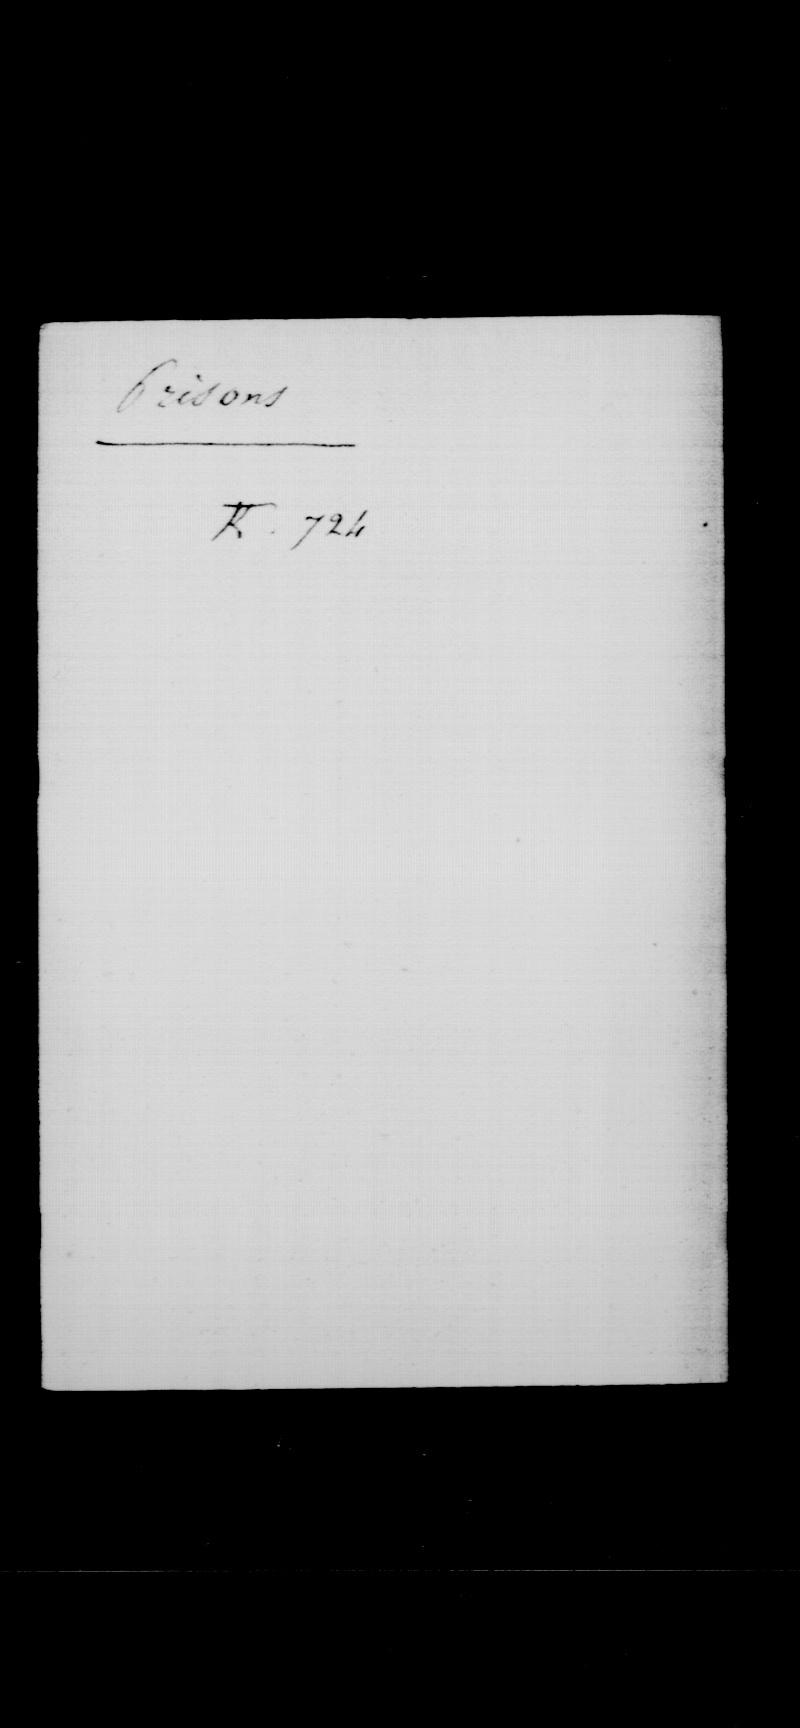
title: Prisons
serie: K
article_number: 724
